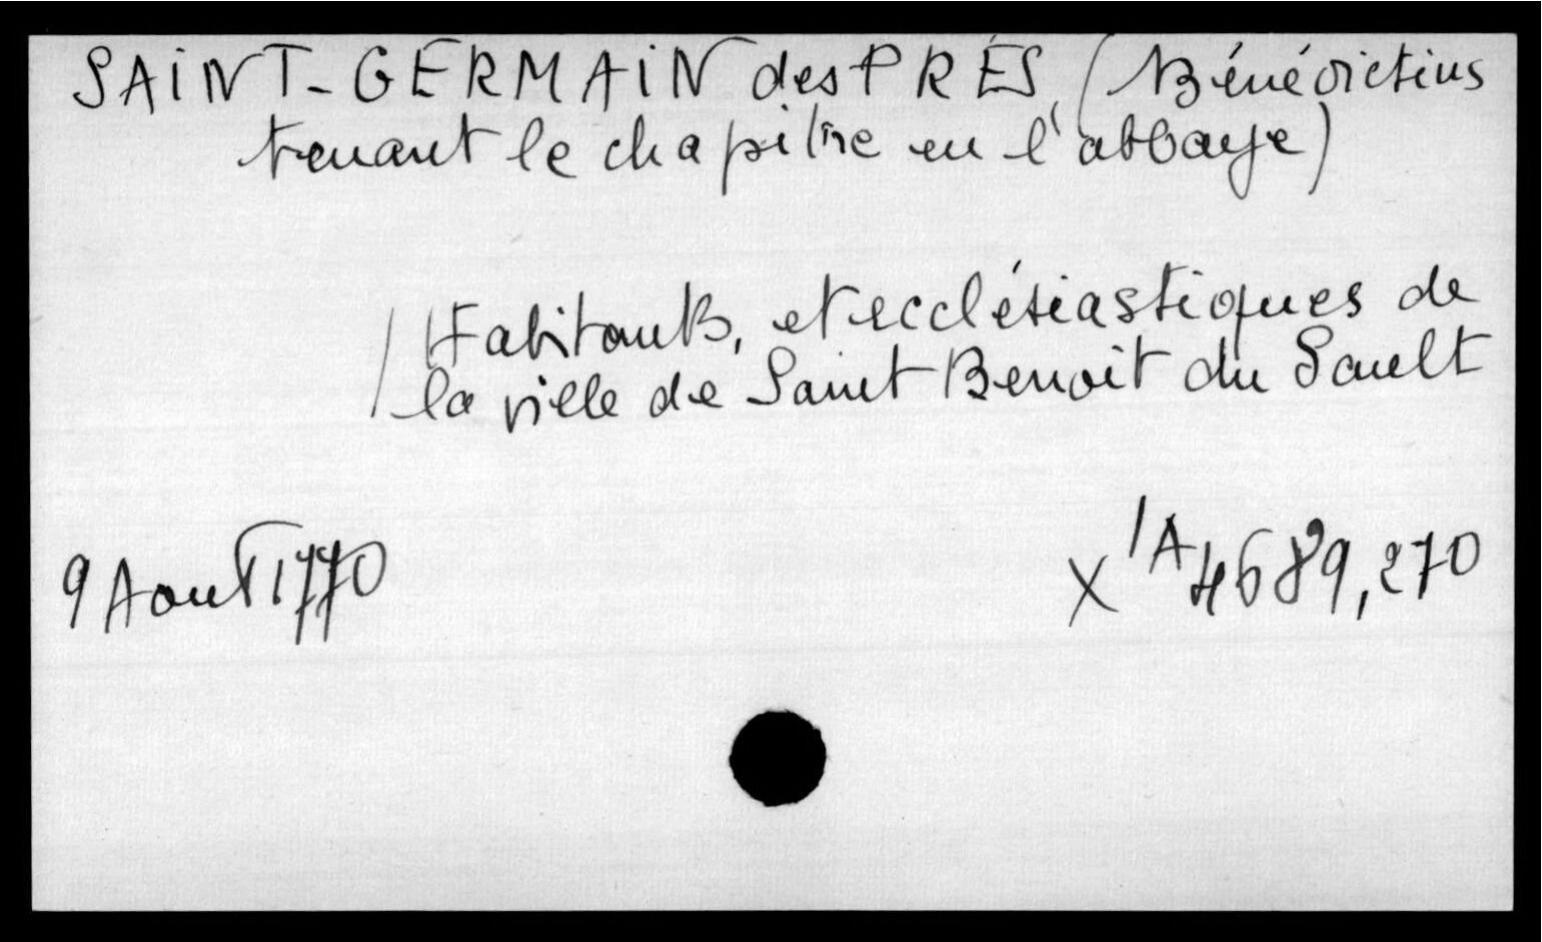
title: SAINT-GERMAIN des PRES (Bénédictins tenant le chapitre en l'abbaye)
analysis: Contre Habitants, et ecclésiastiques de la ville de Saint Benoit du Sault
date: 9 août 1770
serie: X1A
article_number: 4689
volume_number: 270
